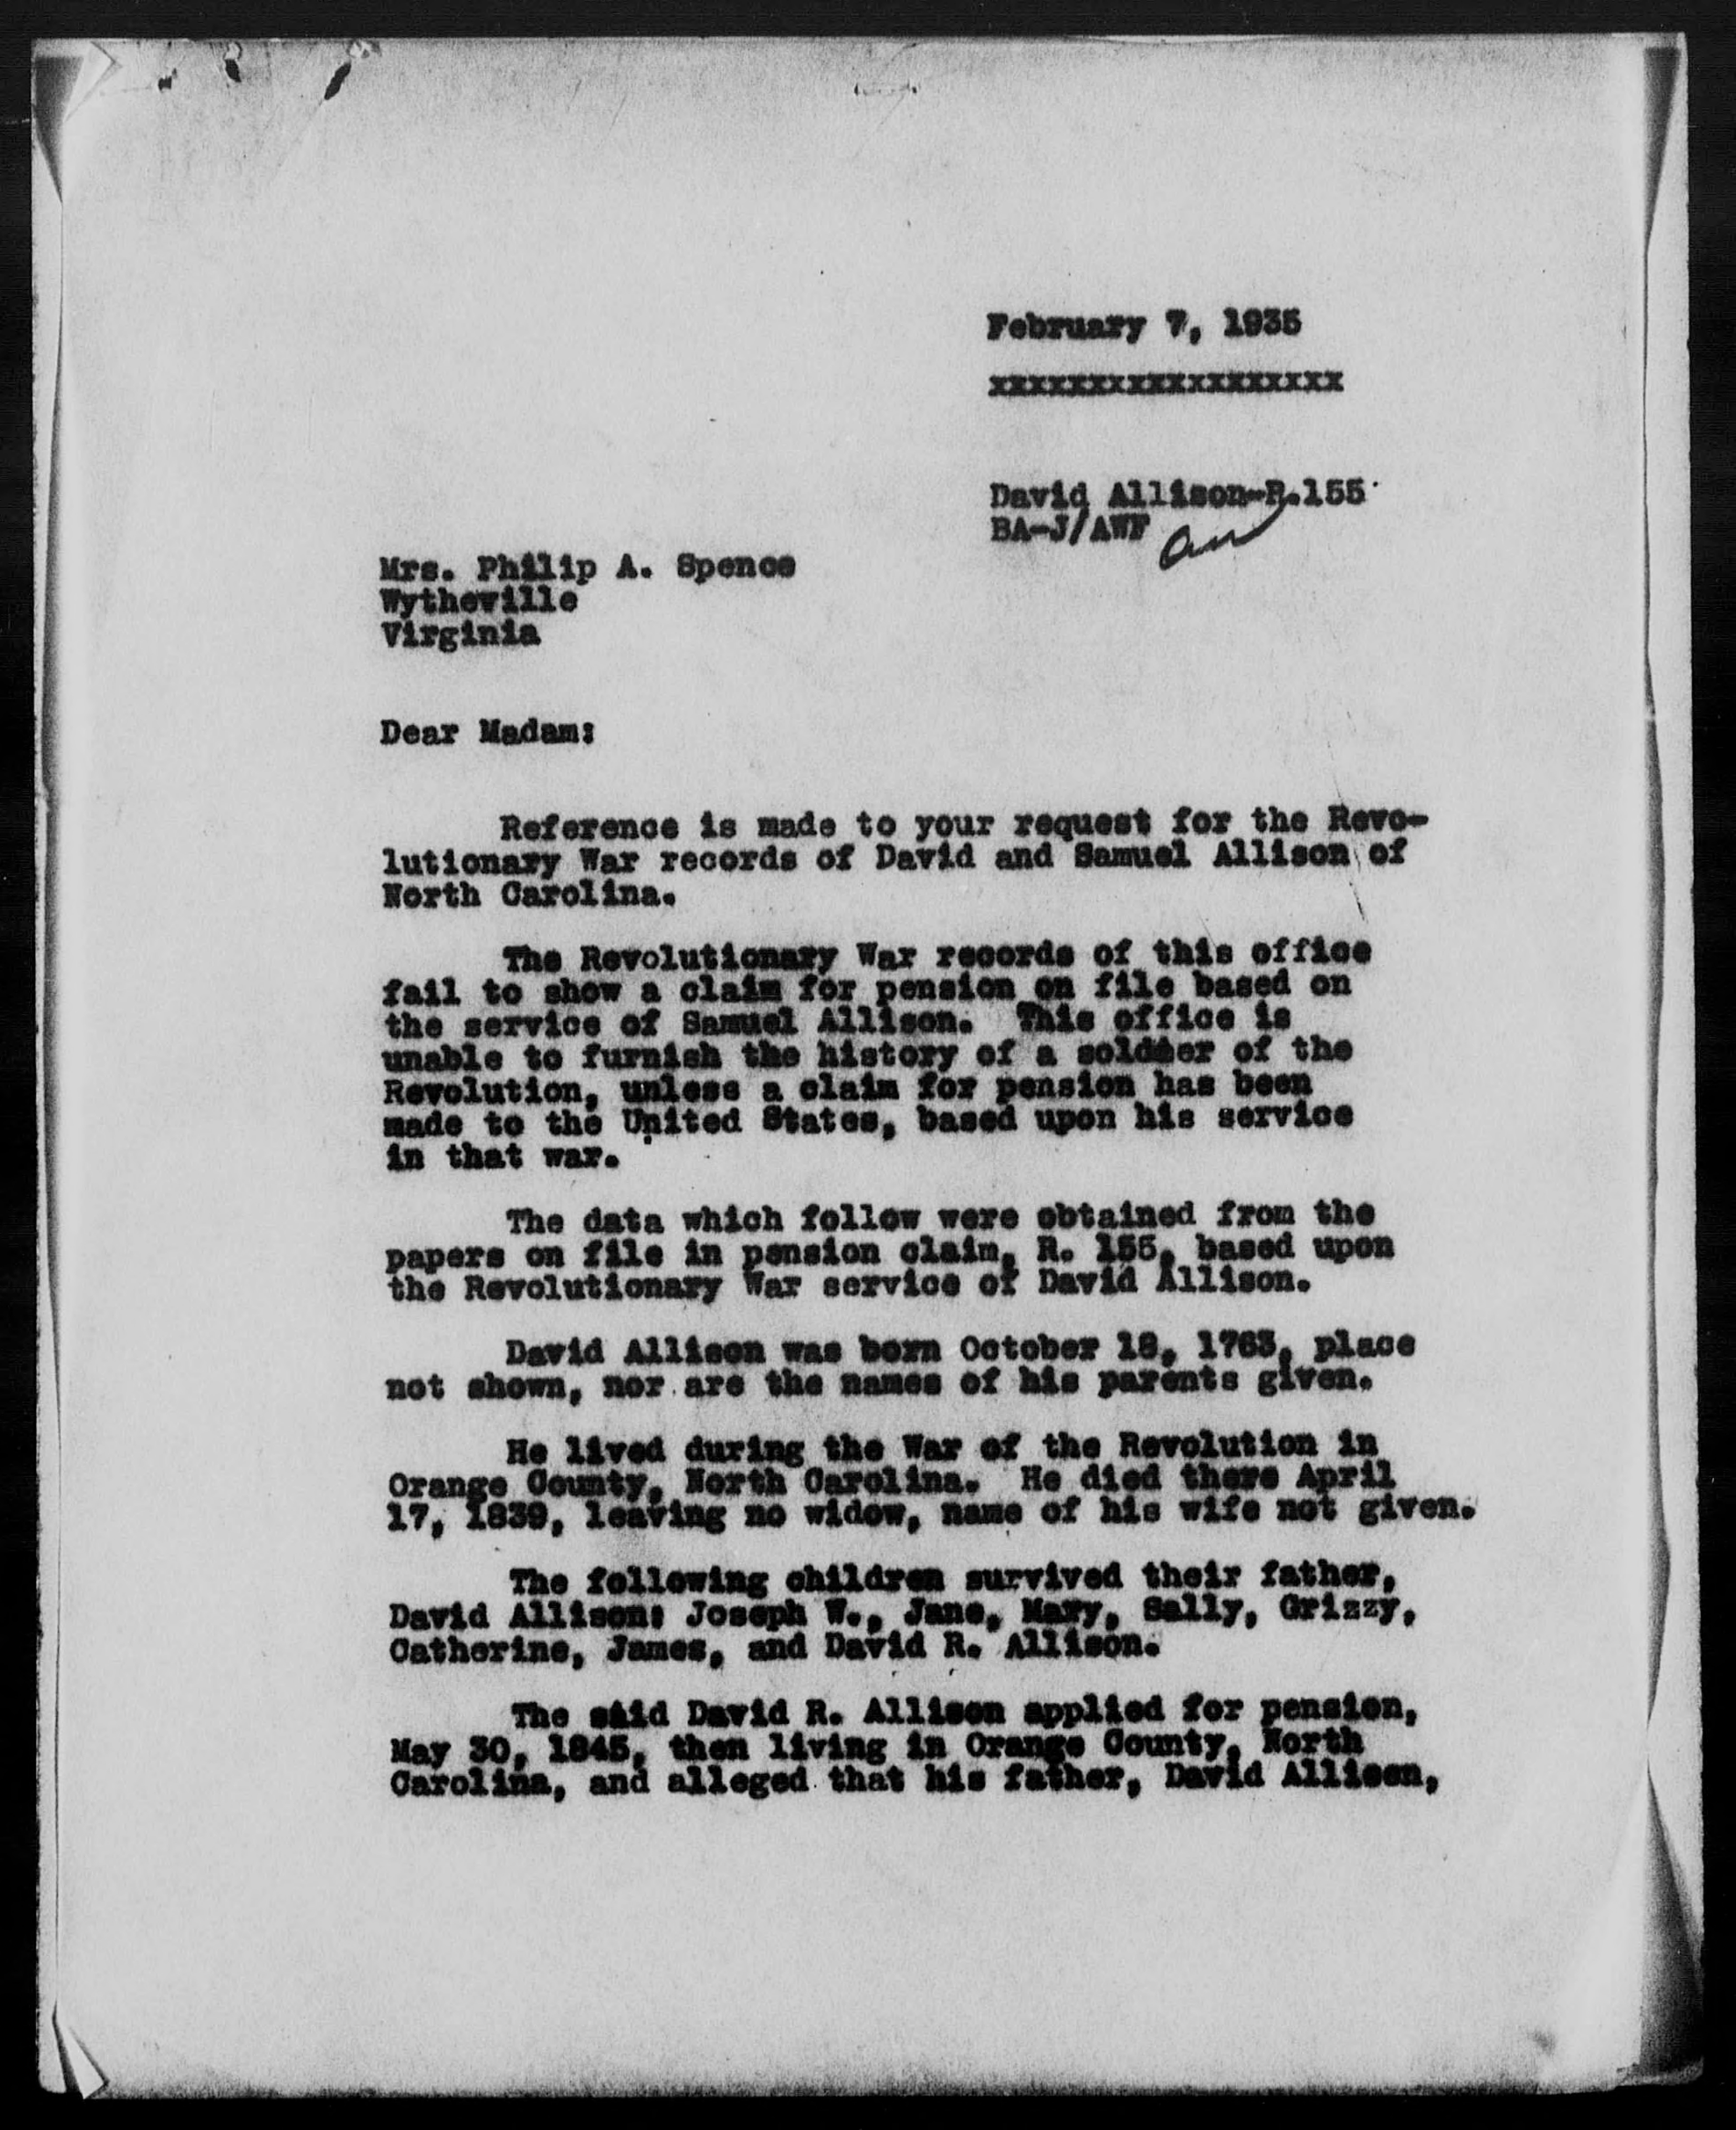David Allison - R..155
BA-J/AWF

Mrs. Philip A. Spence
Wytheville
Virginia

Dear Madam:

Reference is made to your request for the Revolutionary War records of David and Samuel Allison of North Carolina.
The Revolutionary War records of this office fail to show a claim for pension on file based on the service of Samuel Allison.  This office is unable to furnish the history of a soldier of the Revolution, unless a claim for pension has been made to the United States, based upon his service in that war.
The data which follow were obtained from the papers on file in pension claim R.155 based upon the Revolutionary War service of David Allison.
David Allison was born October 18, 1763, place not sown, nor are the names of his parents given.
The following children survived their father, David Allison, Joseph W., Jane, Mary, Sally, Grizzy, Catherine, James and David R. Allison. The said David R. Allison applied for pension May 30, 1845, then living in Orange County, North Carolina, and alleged that his father, David Allison,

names: David Allison, Philip A Spence, Samuel Allison, Sally, James, Mary, Joseph W, David R Allison, David Allison, Catherine, David Allison, David R Allison, Grizzy, David Allison, Jane, Samuel Allison, David Allison, David Allison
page: 10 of 33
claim: rejected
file: R. 155, David Allison, N.C.